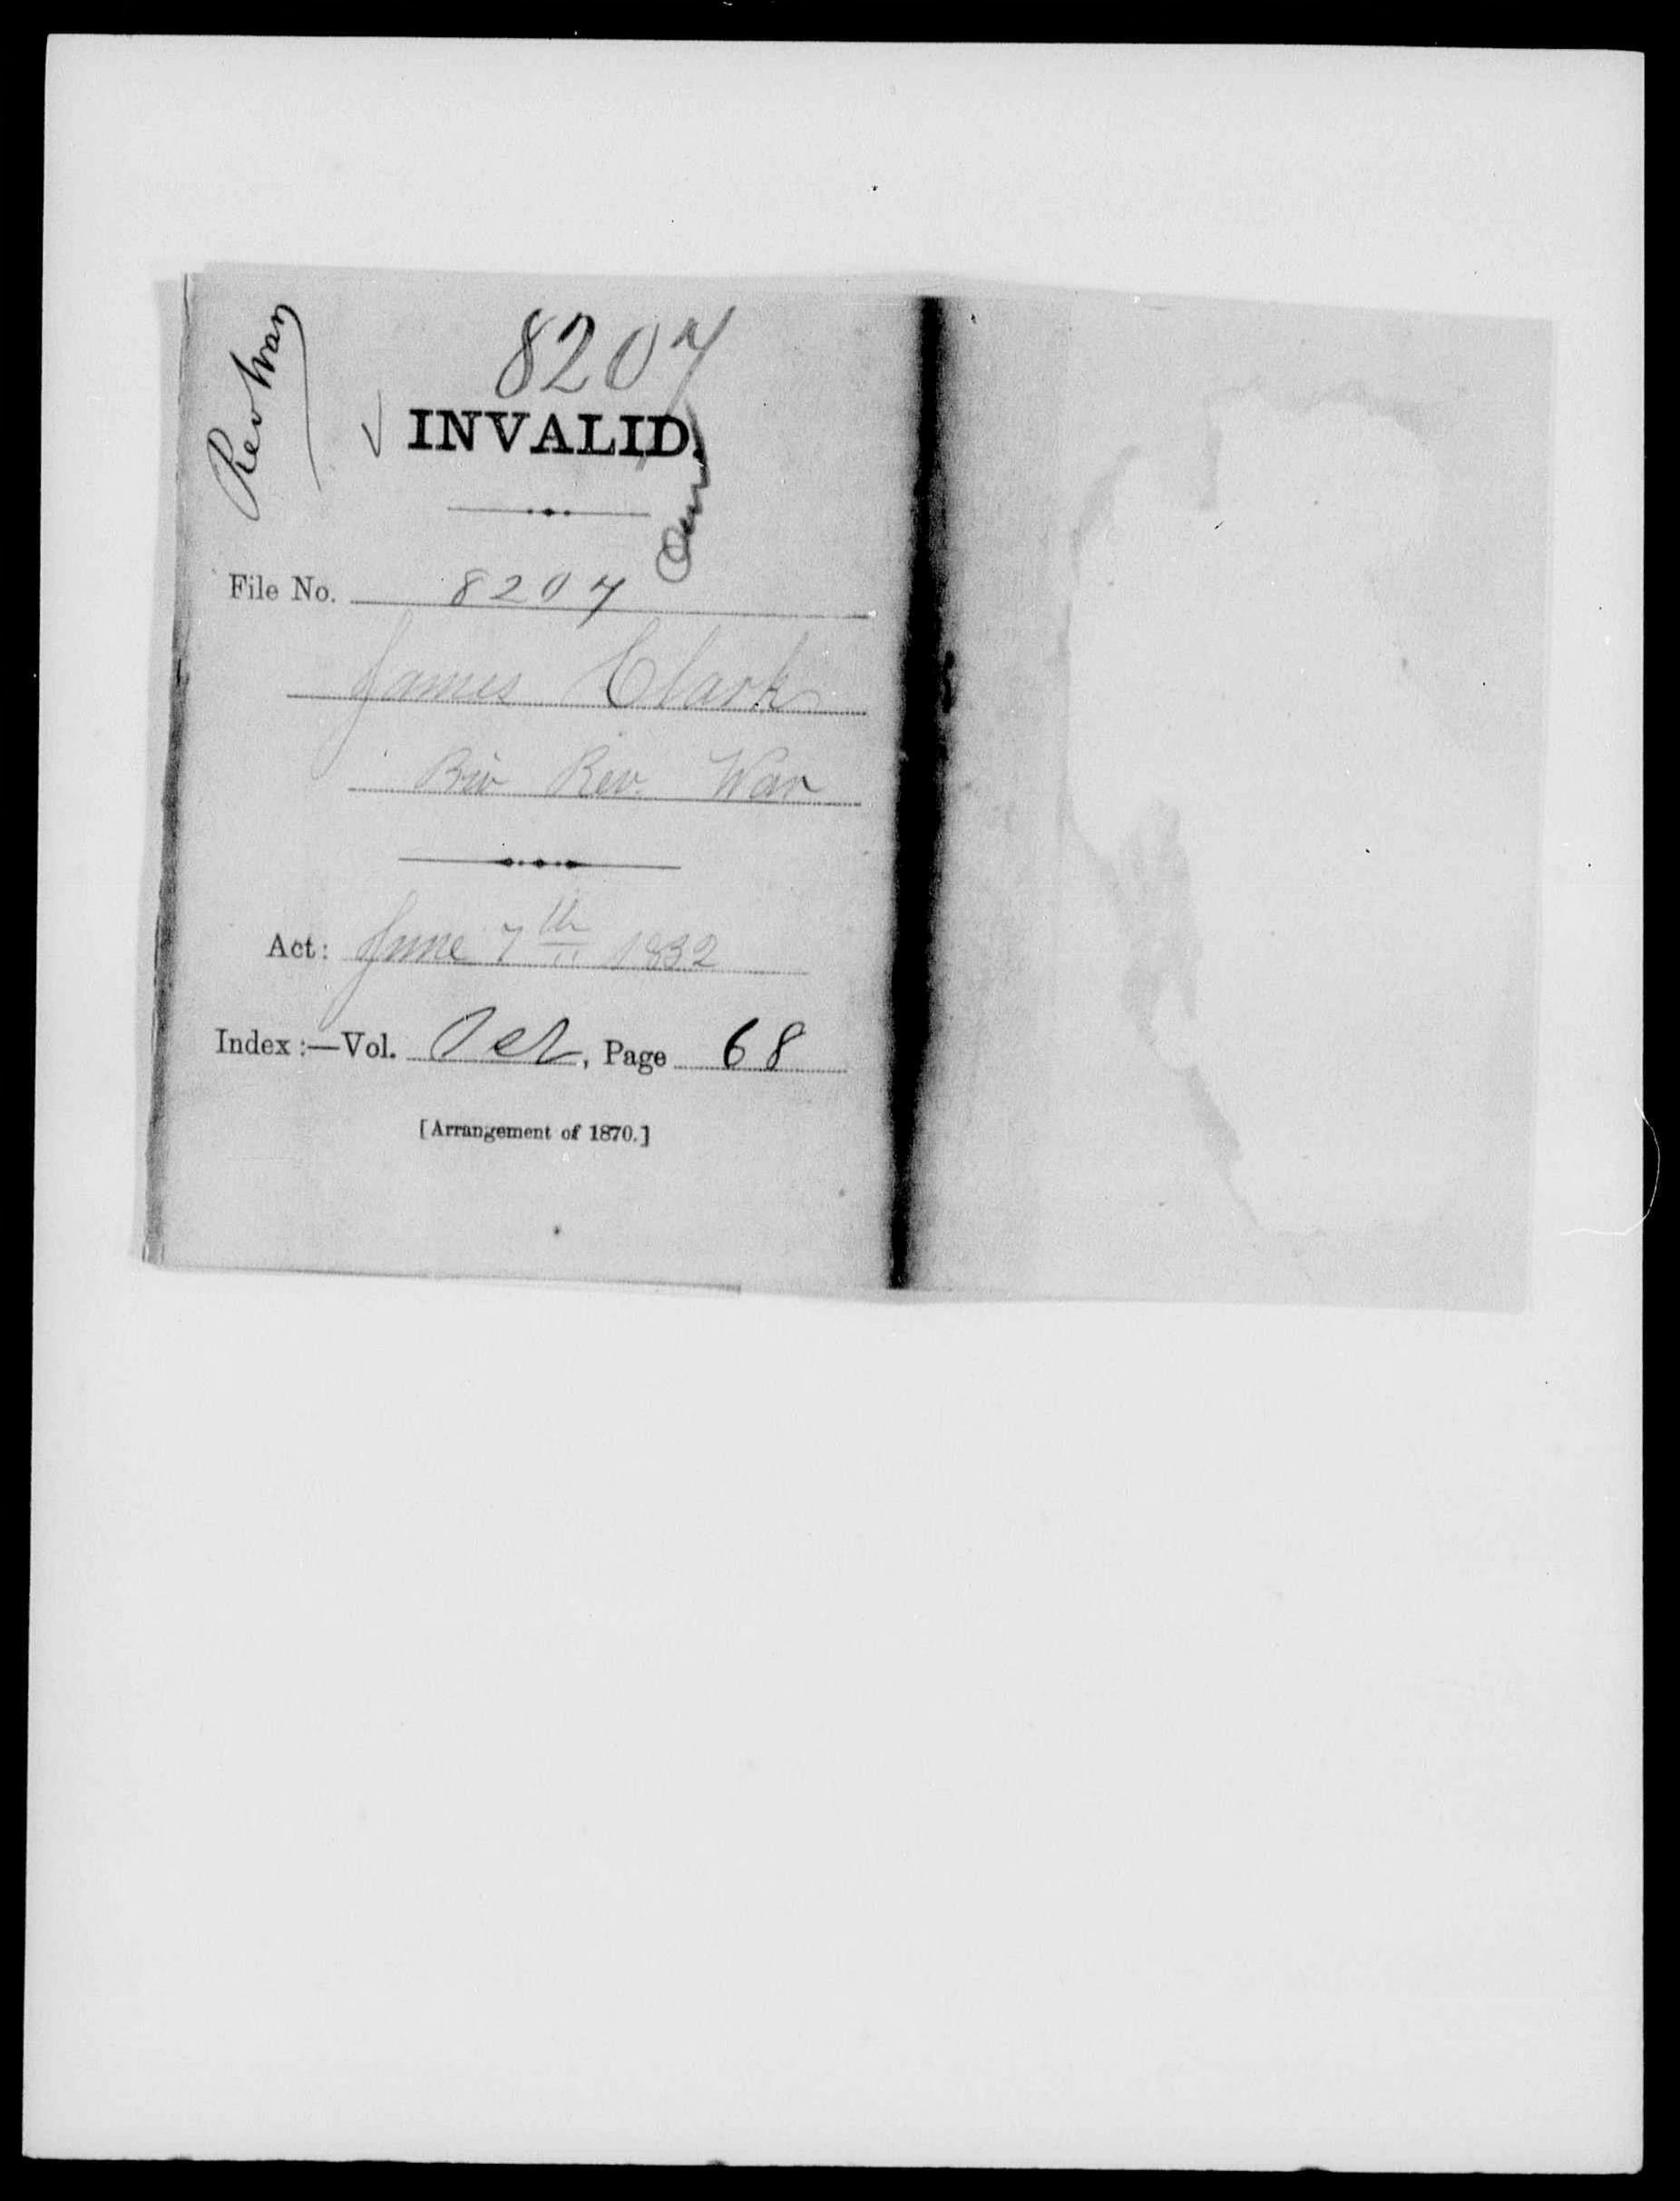[Side Notation] Rev War
8207
INVALID.
File No.  8207
James Clark
Riv Rev. War 
Act: June 7th1832
Index: _ Vol. Rev, Page 68
[Arrangement of 1870.}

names: James Clark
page: 16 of 16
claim: survivor's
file: S. 8207, James Clark, N.C.